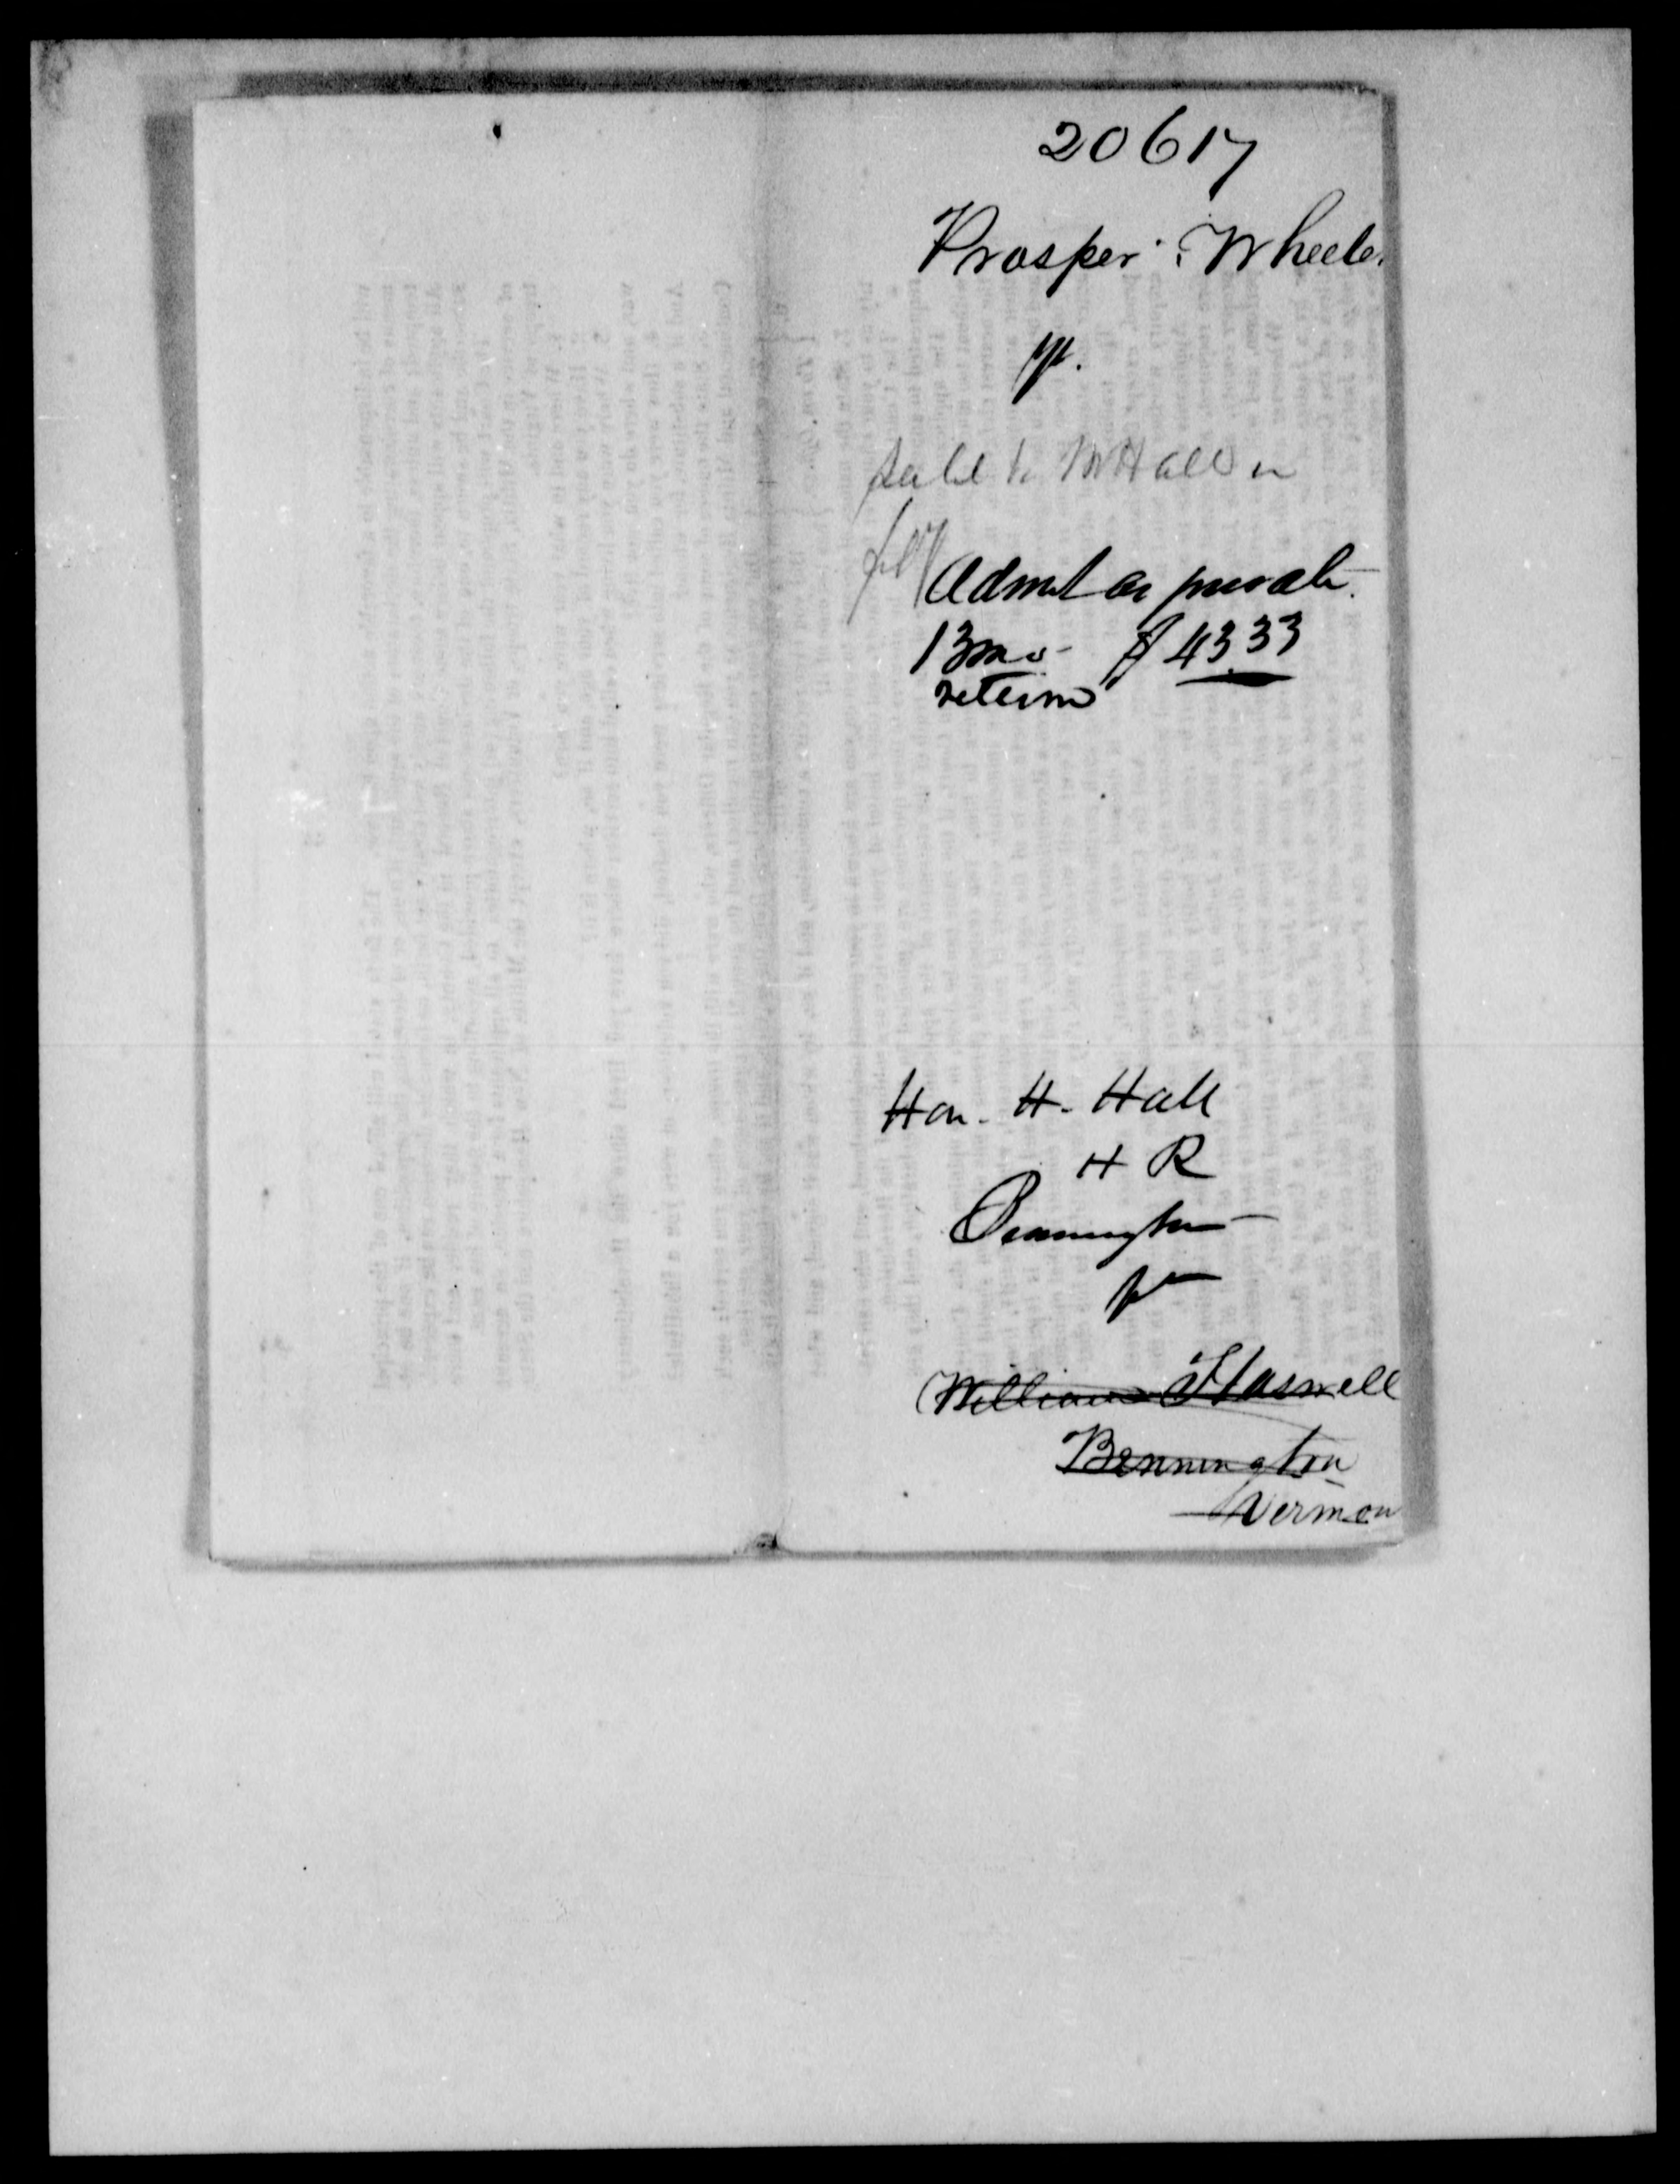20617
Prosper Wheeler
Sale[sp] to M Hall in
feb 7
Admit as private
13 mos $43.33
Hon. H. Hall
H R

Bennington
Vt

["William Haswell Bennington Vermon" lined thru]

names: William Haswell, H Hall, Prosper Wheeler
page: 19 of 29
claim: widow's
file: W. 22604, Prosper Wheeler, Conn.